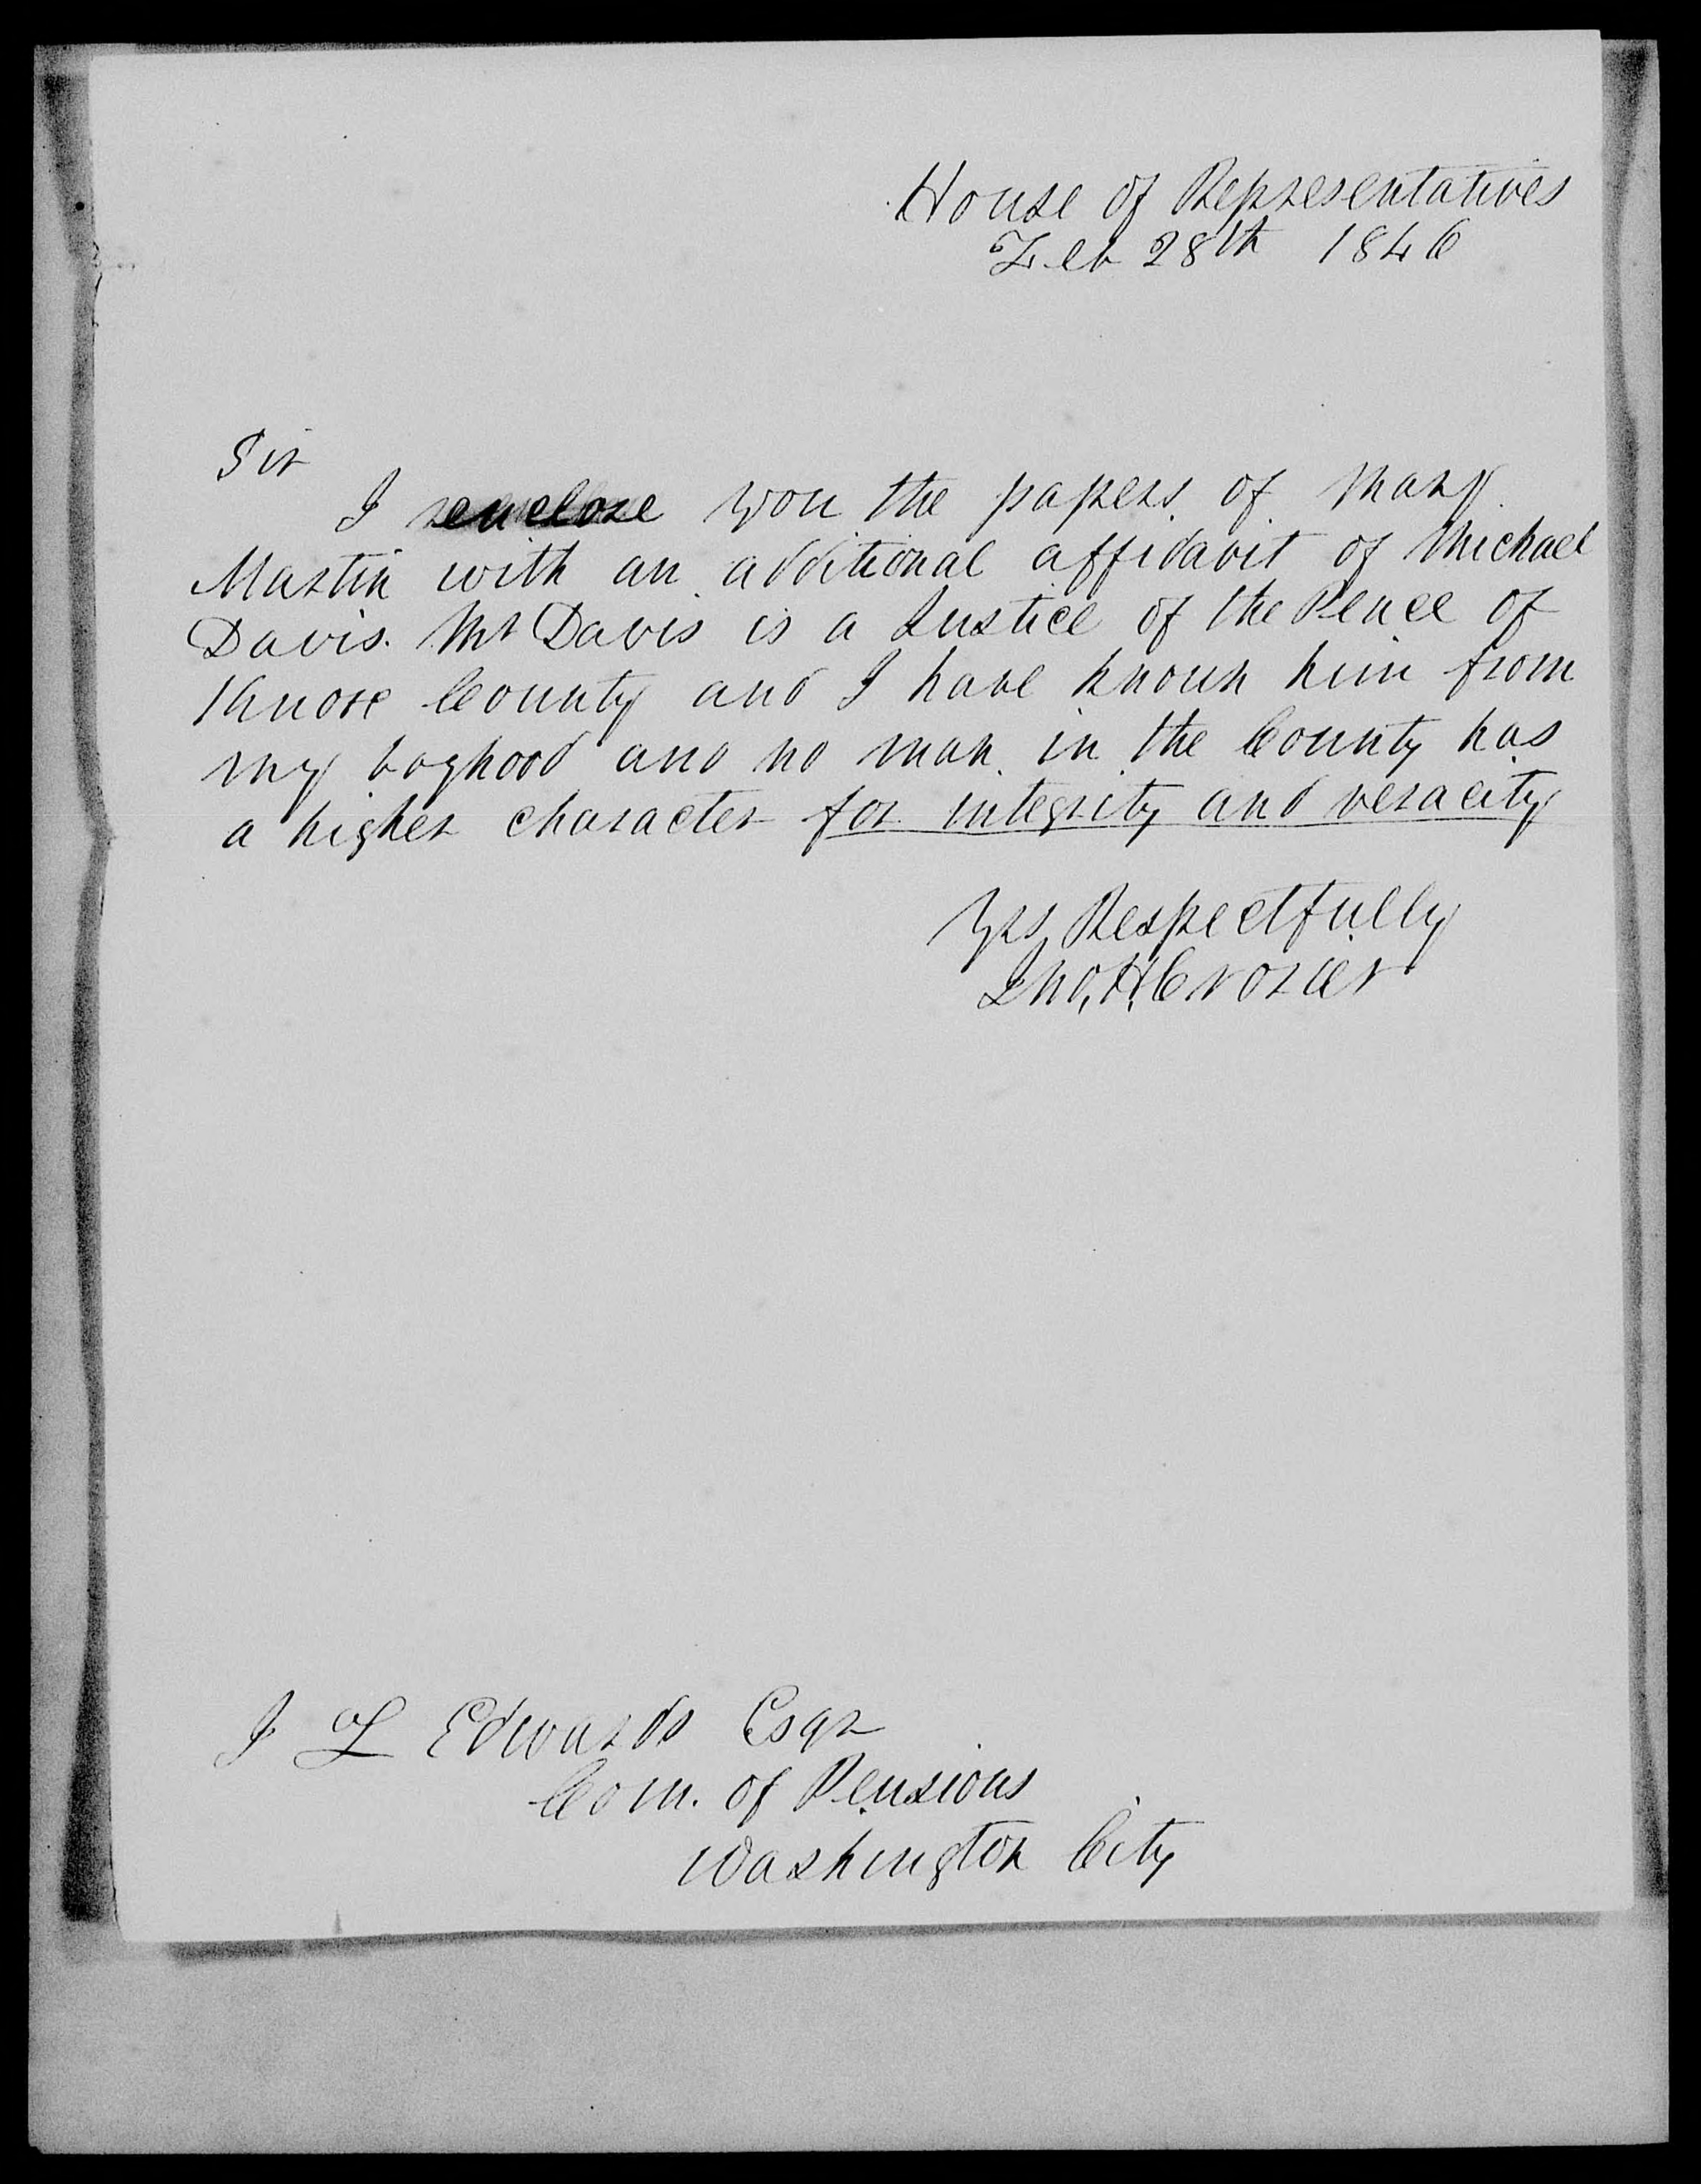House of Representatives
Feb 28th 1846
Sir
I enclose you the papers of Mary
Martin with an additional affidavit of Michael
Davis.  Mr Davis is a Justice of the Peace of
Knox County and I have known him from
my boyhood and no man in the County has
a higher character for integrity and veracity
Yrs Respectfully
Jno. H. Crozier

J L Edwards Esq
Com. of Pensions
Washington City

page: 52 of 120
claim: widow's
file: W. 1044, for Salathiel Martin, North Carolina